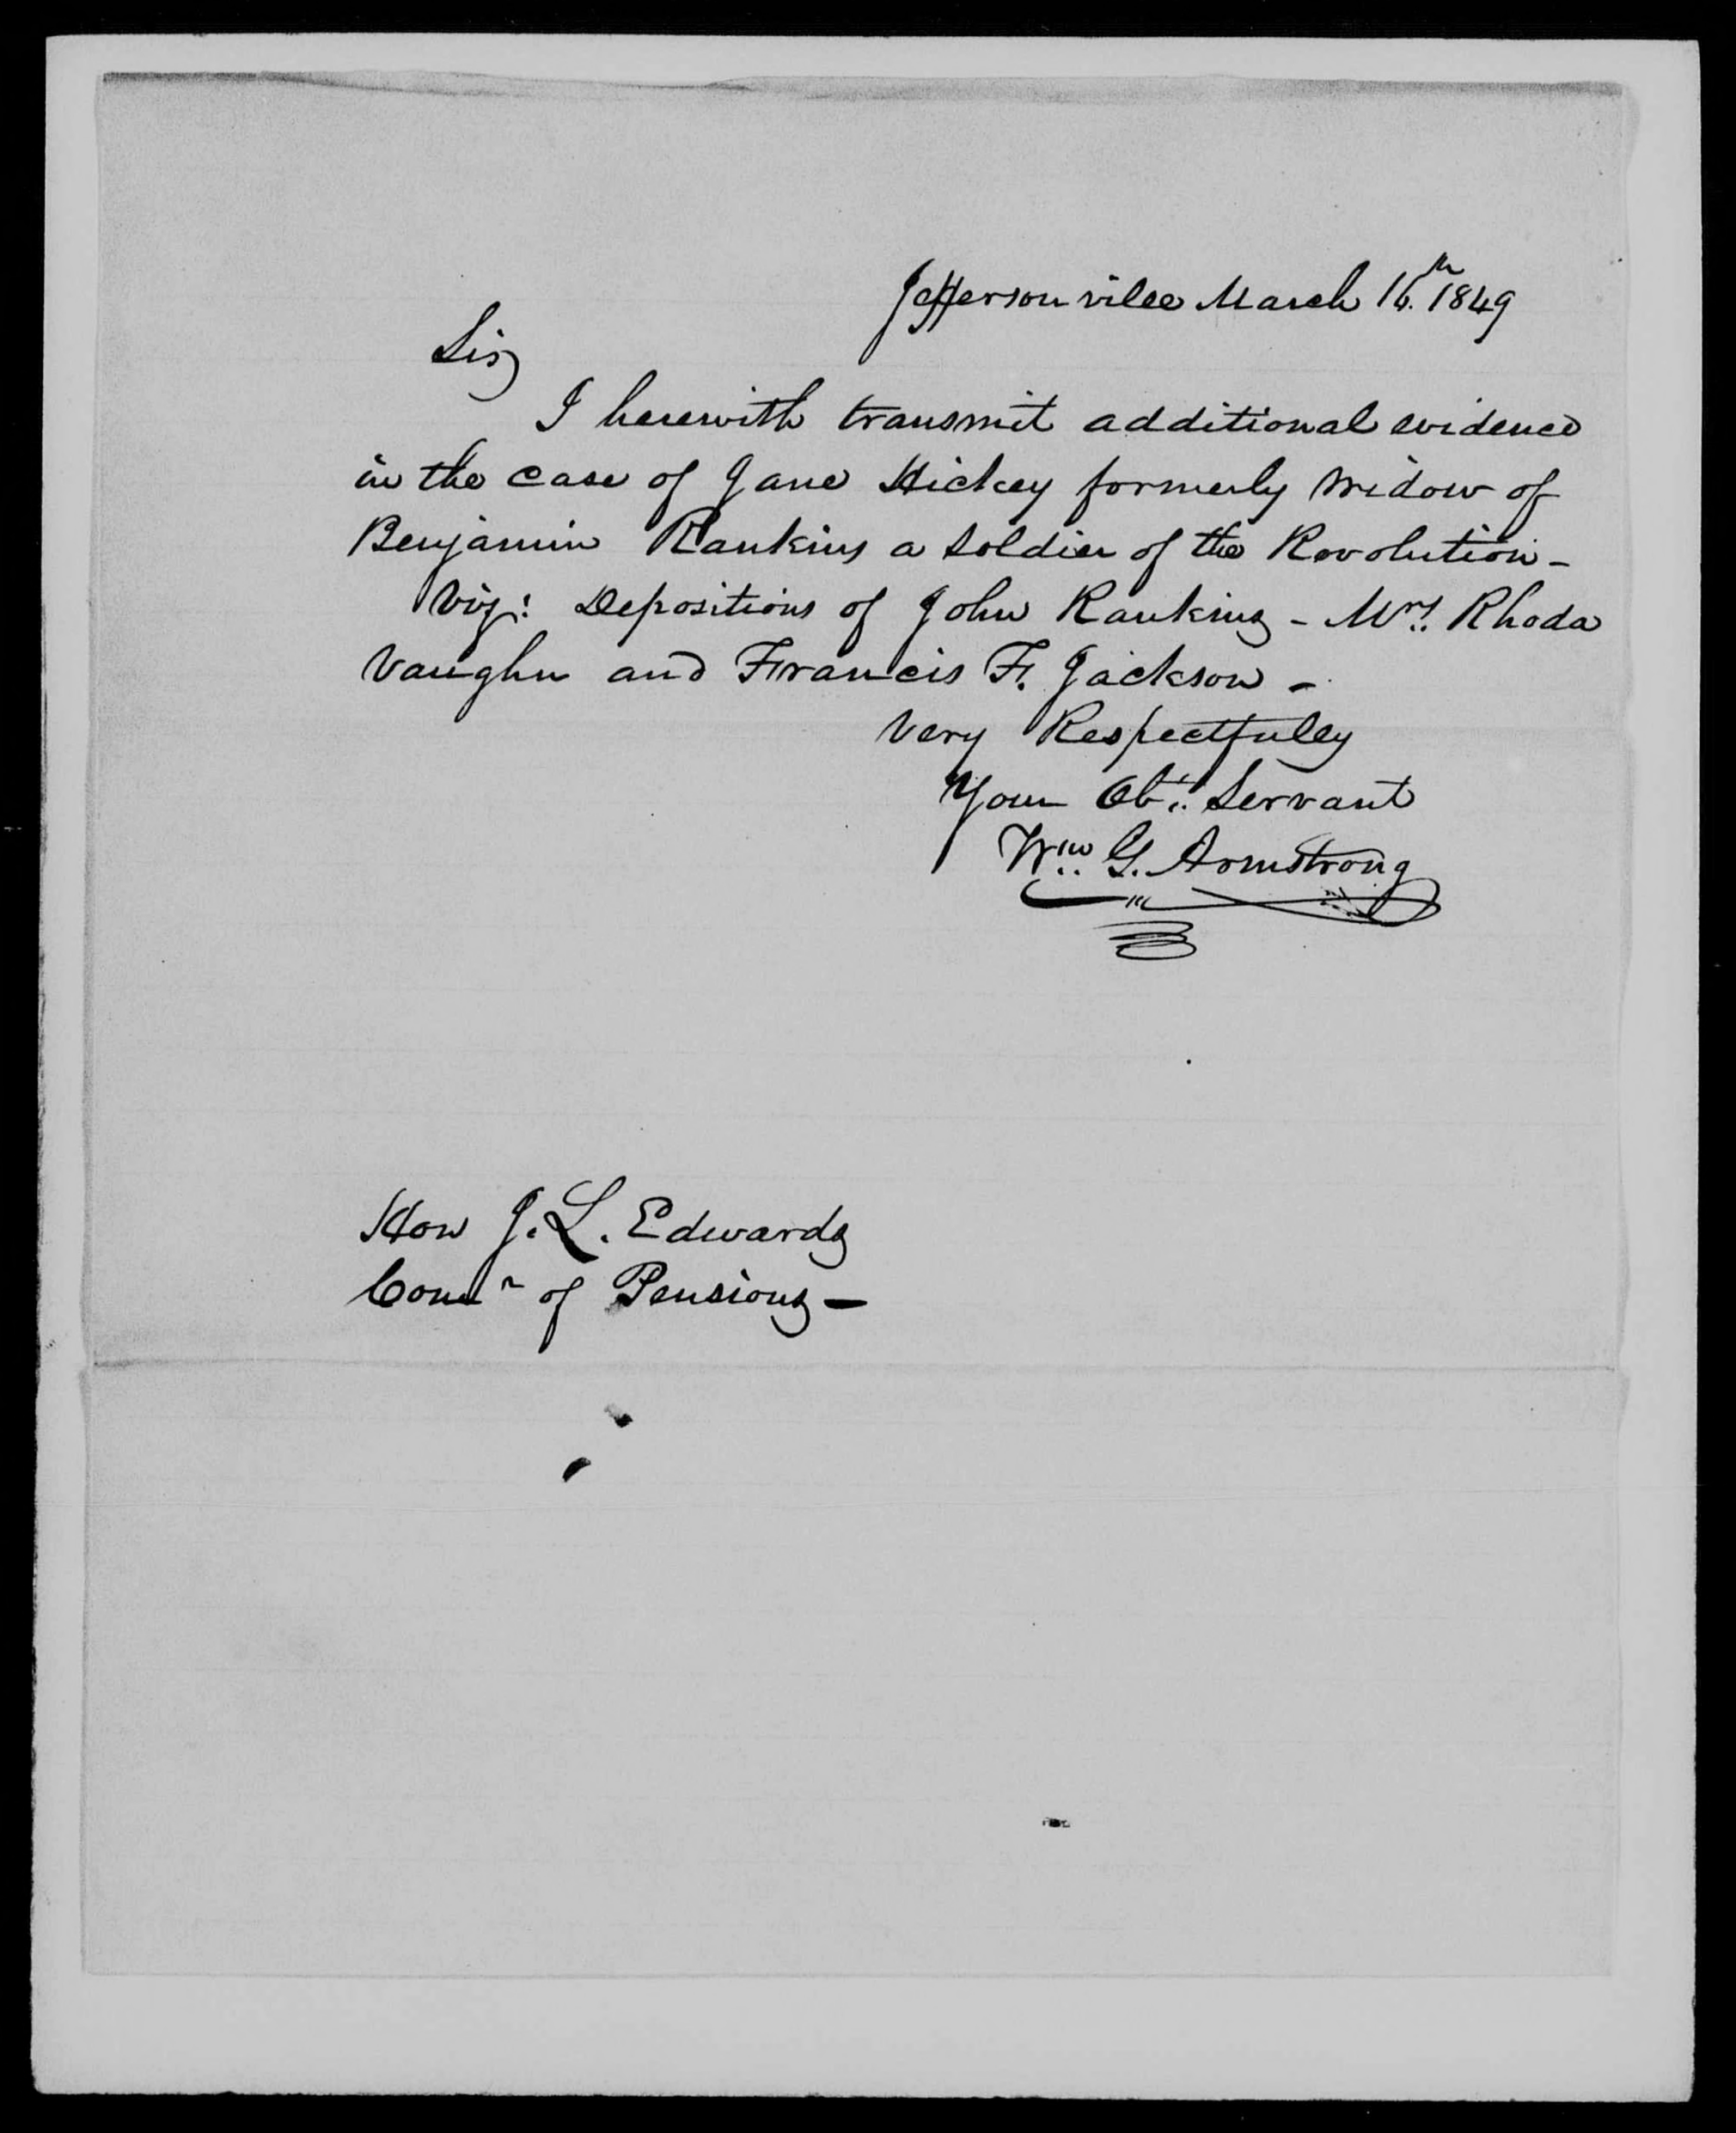Jeffersonville March th. 1849
Sir
I herewith transmit additional evidence in the case of Jane Hickey formerly widow of
Benjamin Rankins a soldier of the Revolution-
Viz: Depositions of John Rankins -  Mrs Rhoda
Vaughn and Francis F. Jackson -
Very Respectfully
Your Obt Servant
Wm G. Armstrong

Hon J.L. Edwards
Com of Pensions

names: Wm G Armstrong, J L Edwards, Benjamin Rankins, Jane Hickey, Francis F Jackson, John Rankins, Rhoda Vaughn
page: 74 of 84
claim: widow's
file: W. 7744, Daniel Hickey, Penn.